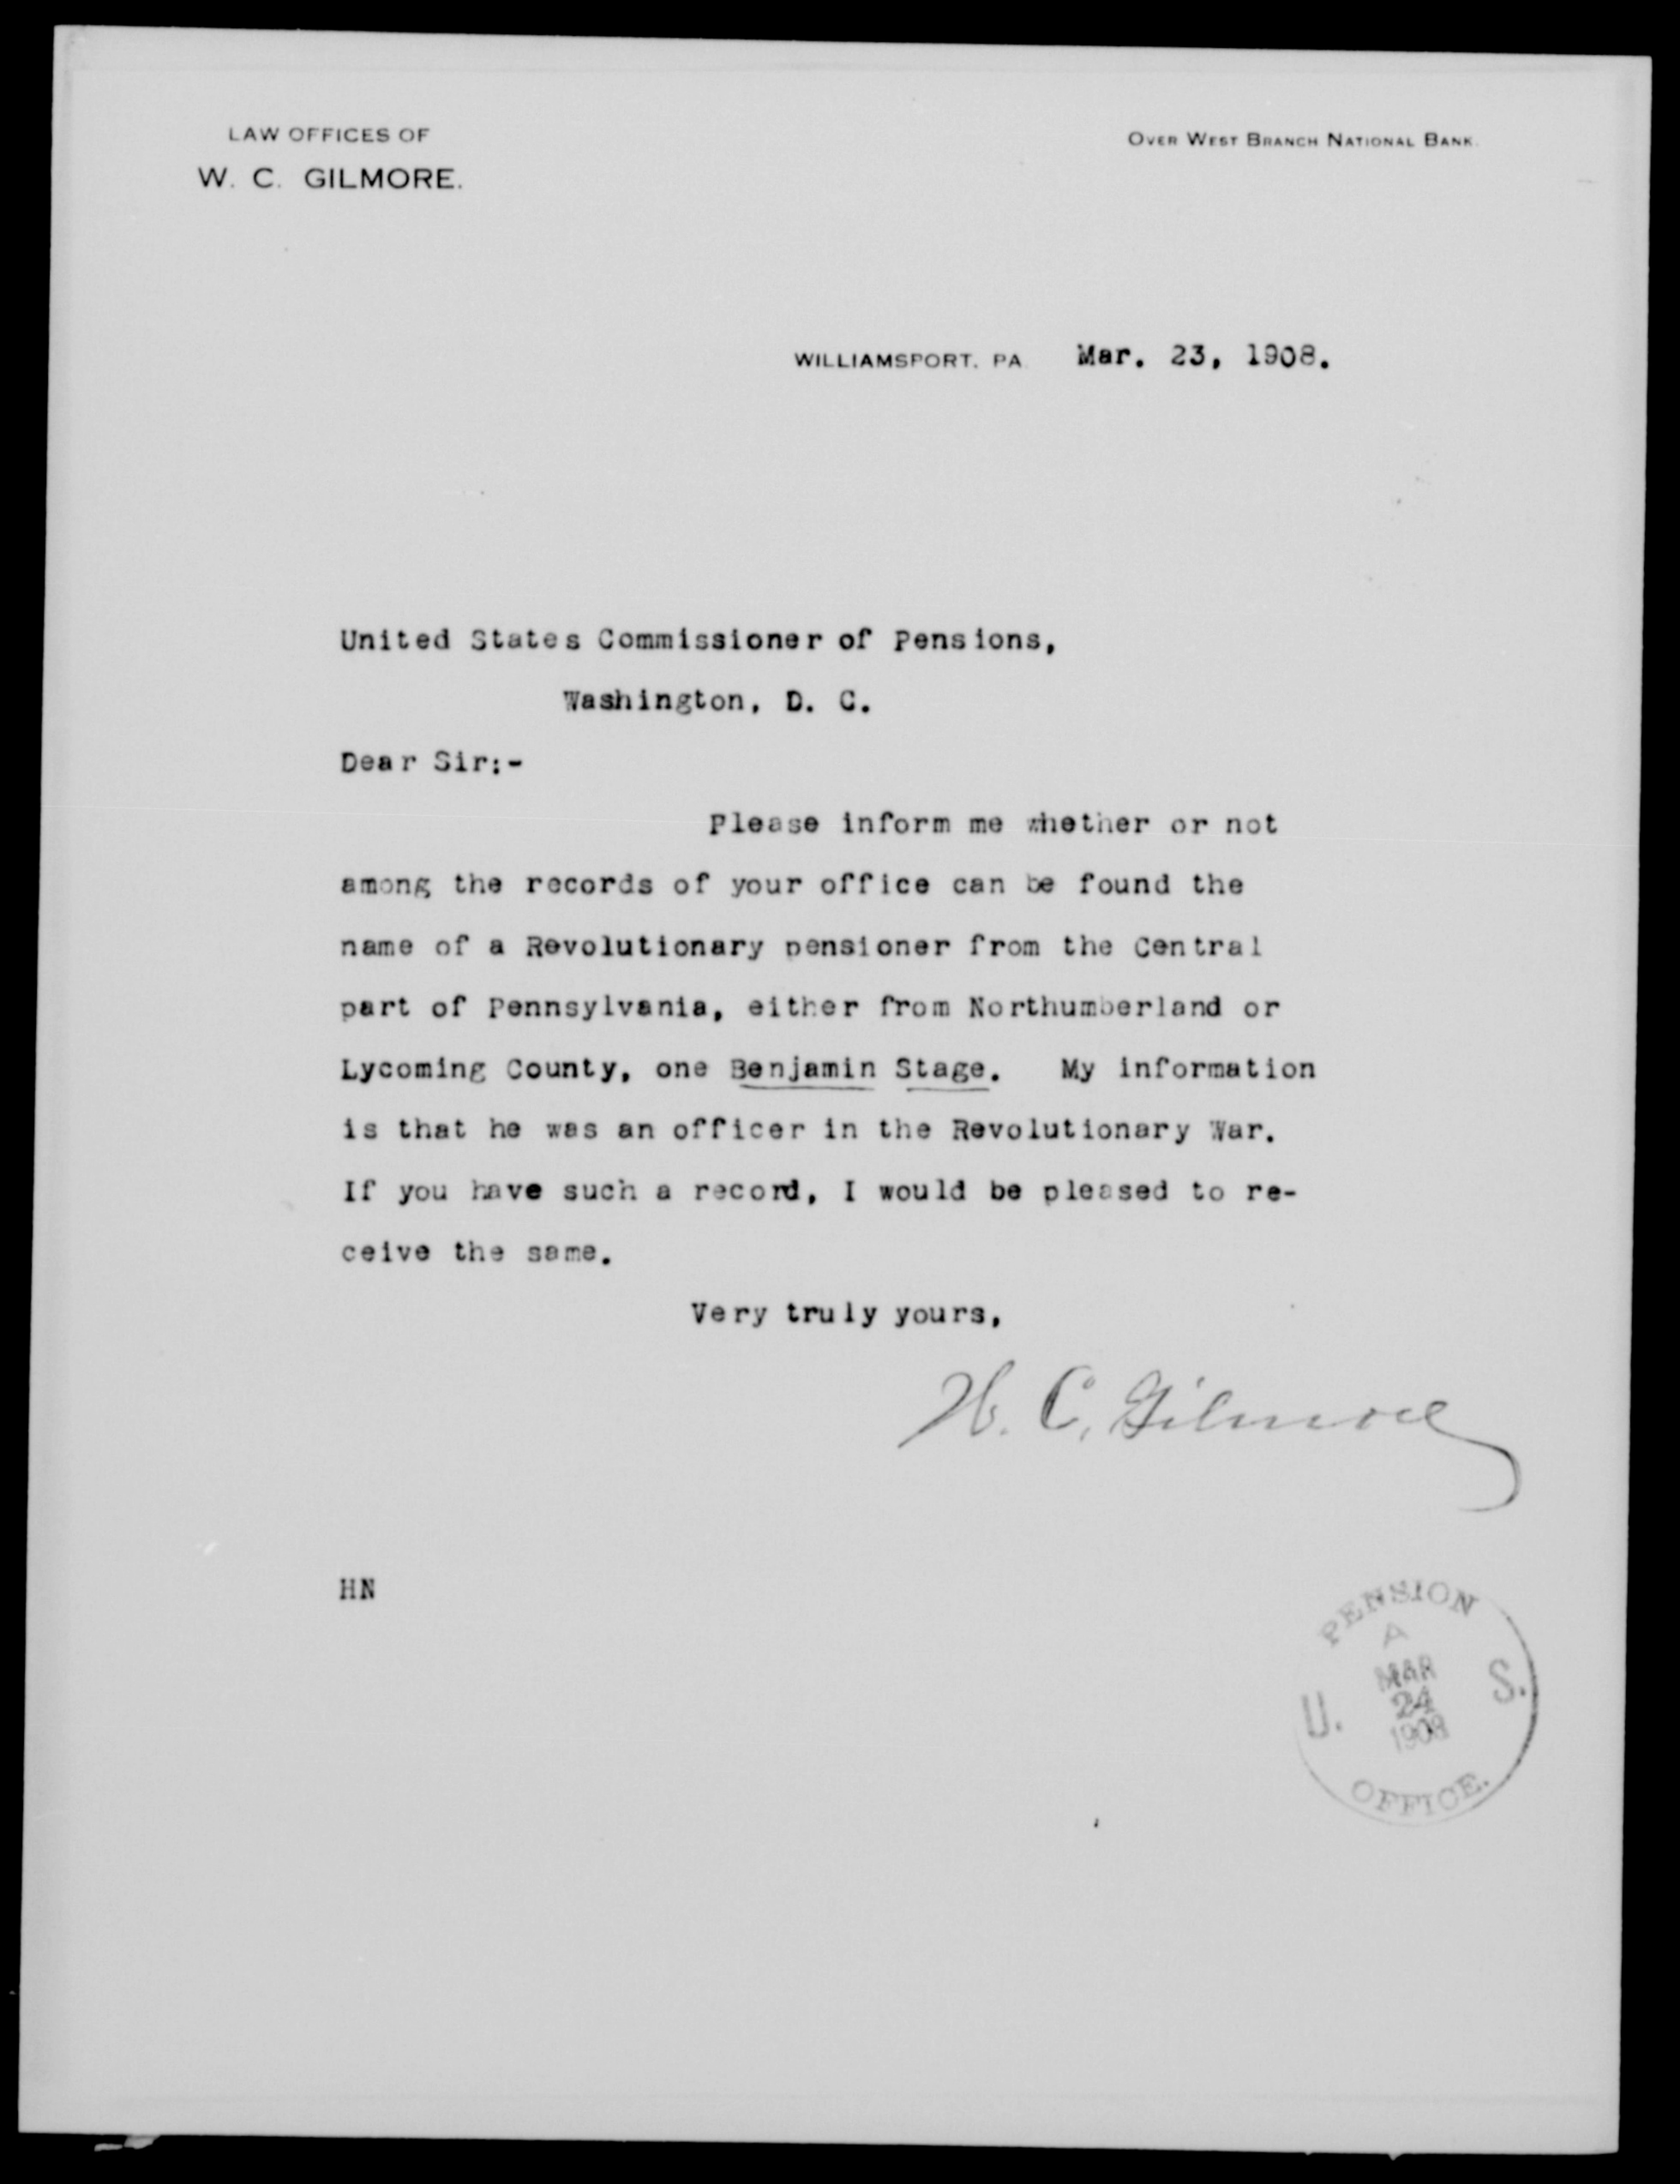Law Offices of W.C. Gilmore    
Over West Branch National Bank
Williamsport, PA Mar. 23, 1908

United States Commissioner of Pensions,
Washington D. C.
Dear Sir:-
Please inform me whether or not among the records of your office can be found the name of a Revolutionary pensioner from the Central part of Pennsylvania, either from Northumberland or Lycoming County, one Benjamin Stage. My information is that he was an officer in the Revolutionary War.  If you have such a record, I would be pleased to receive the same.
Very truly yours,
W.C. Gilmore

HN 
Pension Office U. S. Mar 24 1908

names: W C Gilmore; H C Gilmore; Benjamin Stage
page: 19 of 23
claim: survivor's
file: S. 23008, for Benjamin Stage, New York